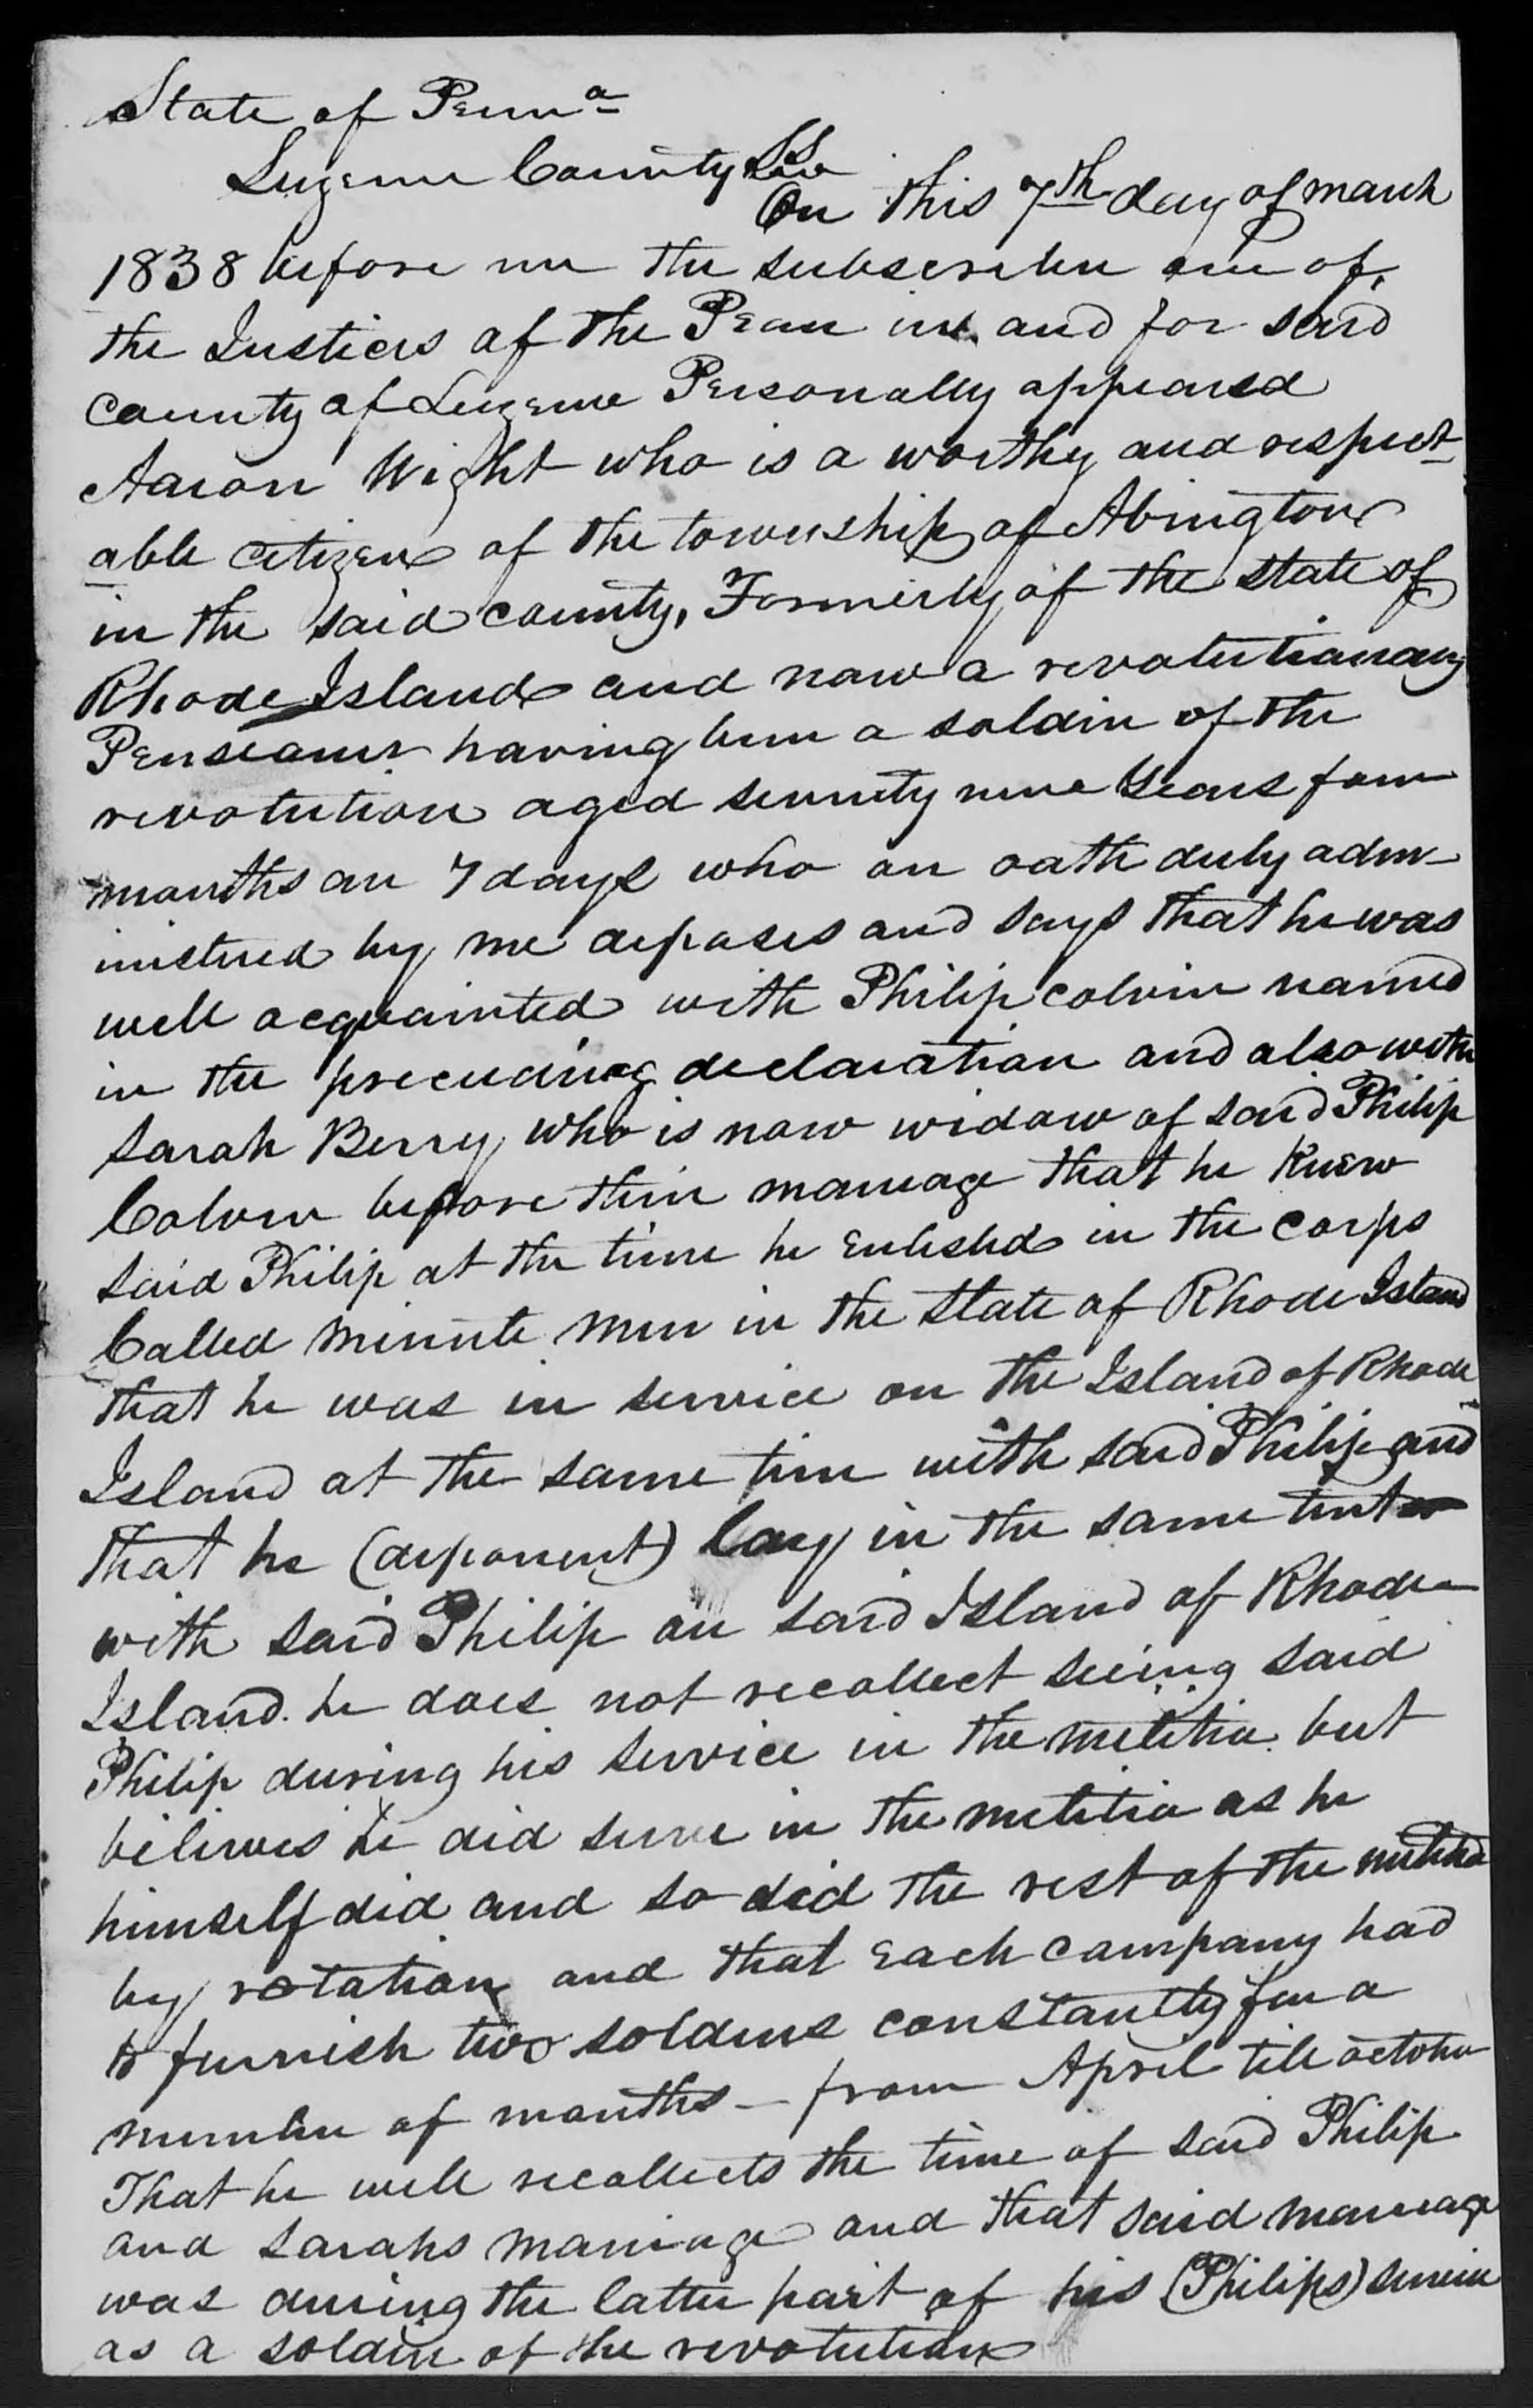State of Penna. Luzerne County SS
On this 7th day of March 1838 before me the subscriber one of the Justices of the Peace in and for said county of Luzerne personally appeared Aaron Wight who is a worthy and respectable citizen of the township of Abington in the said county, formerly of the state of Rhode Island and now a revolutionary pensioner having been a soldier of the revolution aged seventy nine years four months and 7 days who an oath duly administered by me deposes and says that he was well acquainted with Philip Colvin named in the preceeding declaration and also with Sarah Berry who is now widow of said Philip Colvin before their marriage. That he knew said Philip at the time he enlisted in the corps called minute men in the state of Rhode Island. That he was in service on the Island of Rhode Island at the same time with said Philip and that he (deponent) lay in the same tent with said Philip on said Island of Rhode Island. He does not recollect seeing said Philip during his service in the militia, but believes he did serve in the militia as he himself did and so did the rest of the militia by rotation and that each company had to furnish two soldiers constantly for a number of months from April till October. That he well recollects the time of said Philip and Sarahs marriage and that said marriage was during the latter part of his (Philips) service as a soldier of the revolution.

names: Philip, Philip, Philip, Philip Colvin, Philip, Sarah, Philip, Philip Colvin, Philip, Aaron Wight, Sarah Berry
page: 11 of 41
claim: widow's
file: W. 3513, Philip Colvin, R.I.